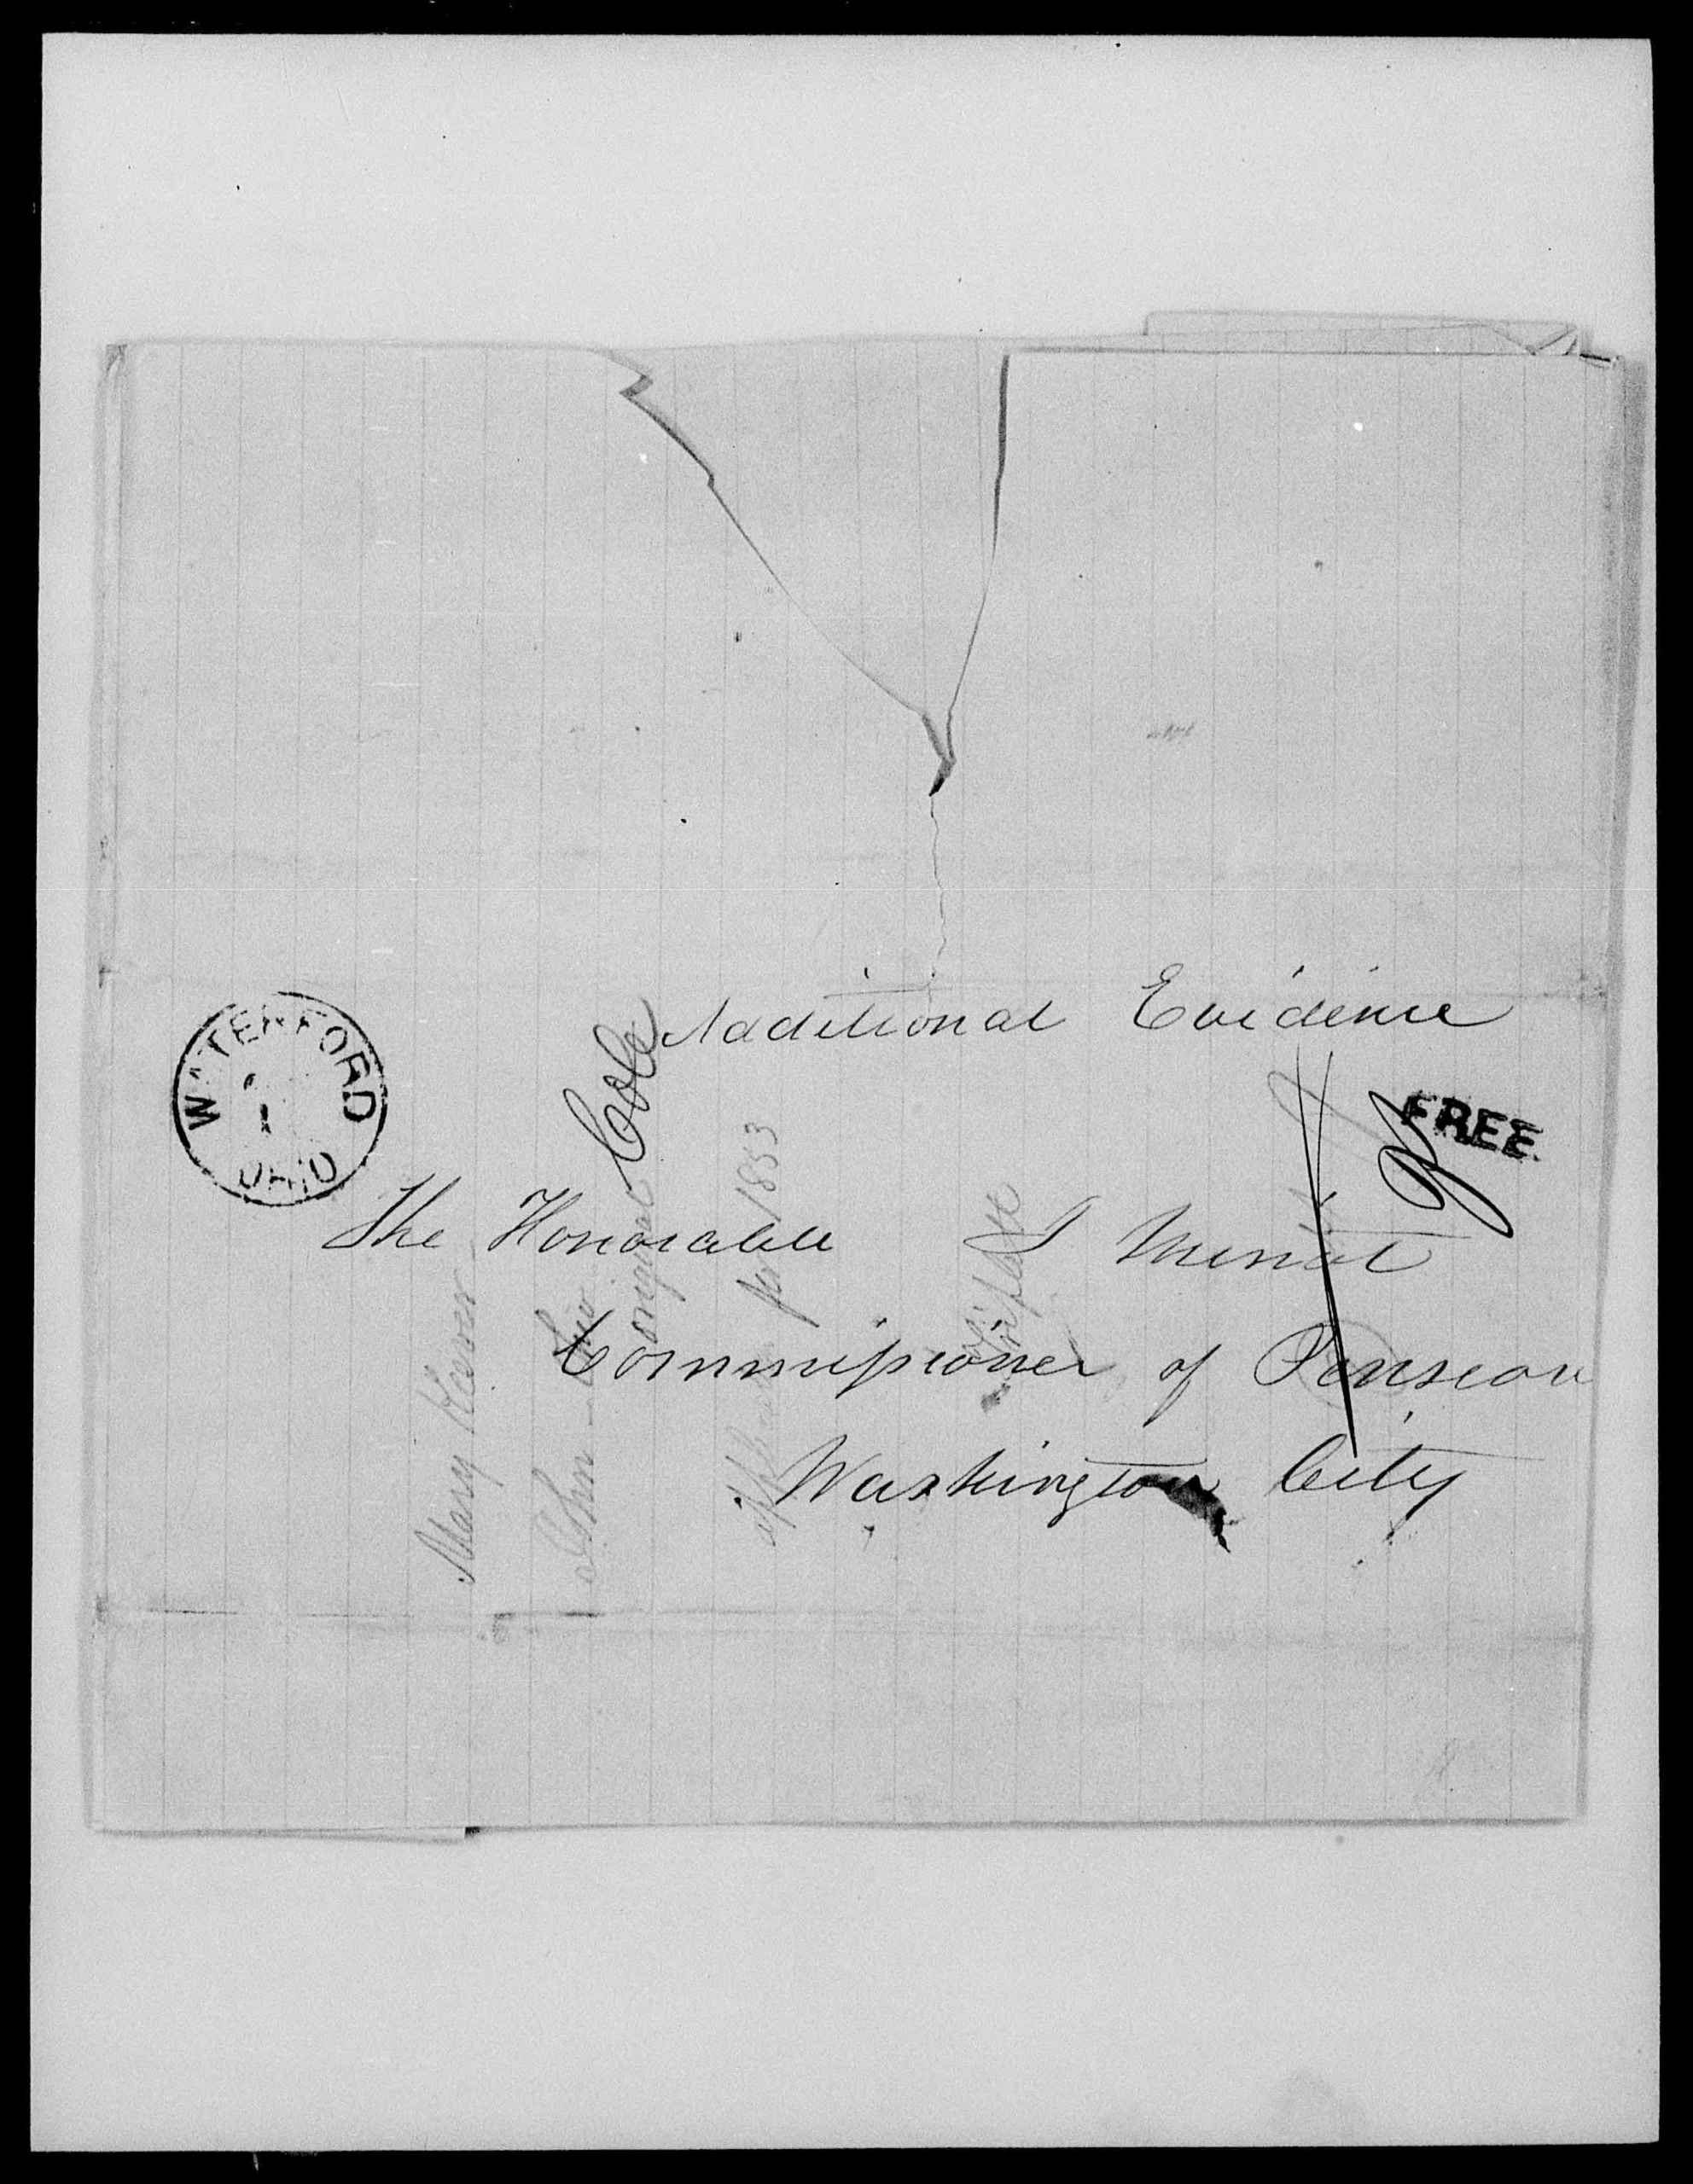Additional Evidence
Waterford Ohio STAMP

FREE

The Honorable J Minot
Commissioner of Pensions
Washington City

Mary Keever
John - Ohio
Original

Cole
Application Jan 1853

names: J Minot; [BLANK] Cole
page: 9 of 33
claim: rejected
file: R. 5814, for John Keever, Maryland